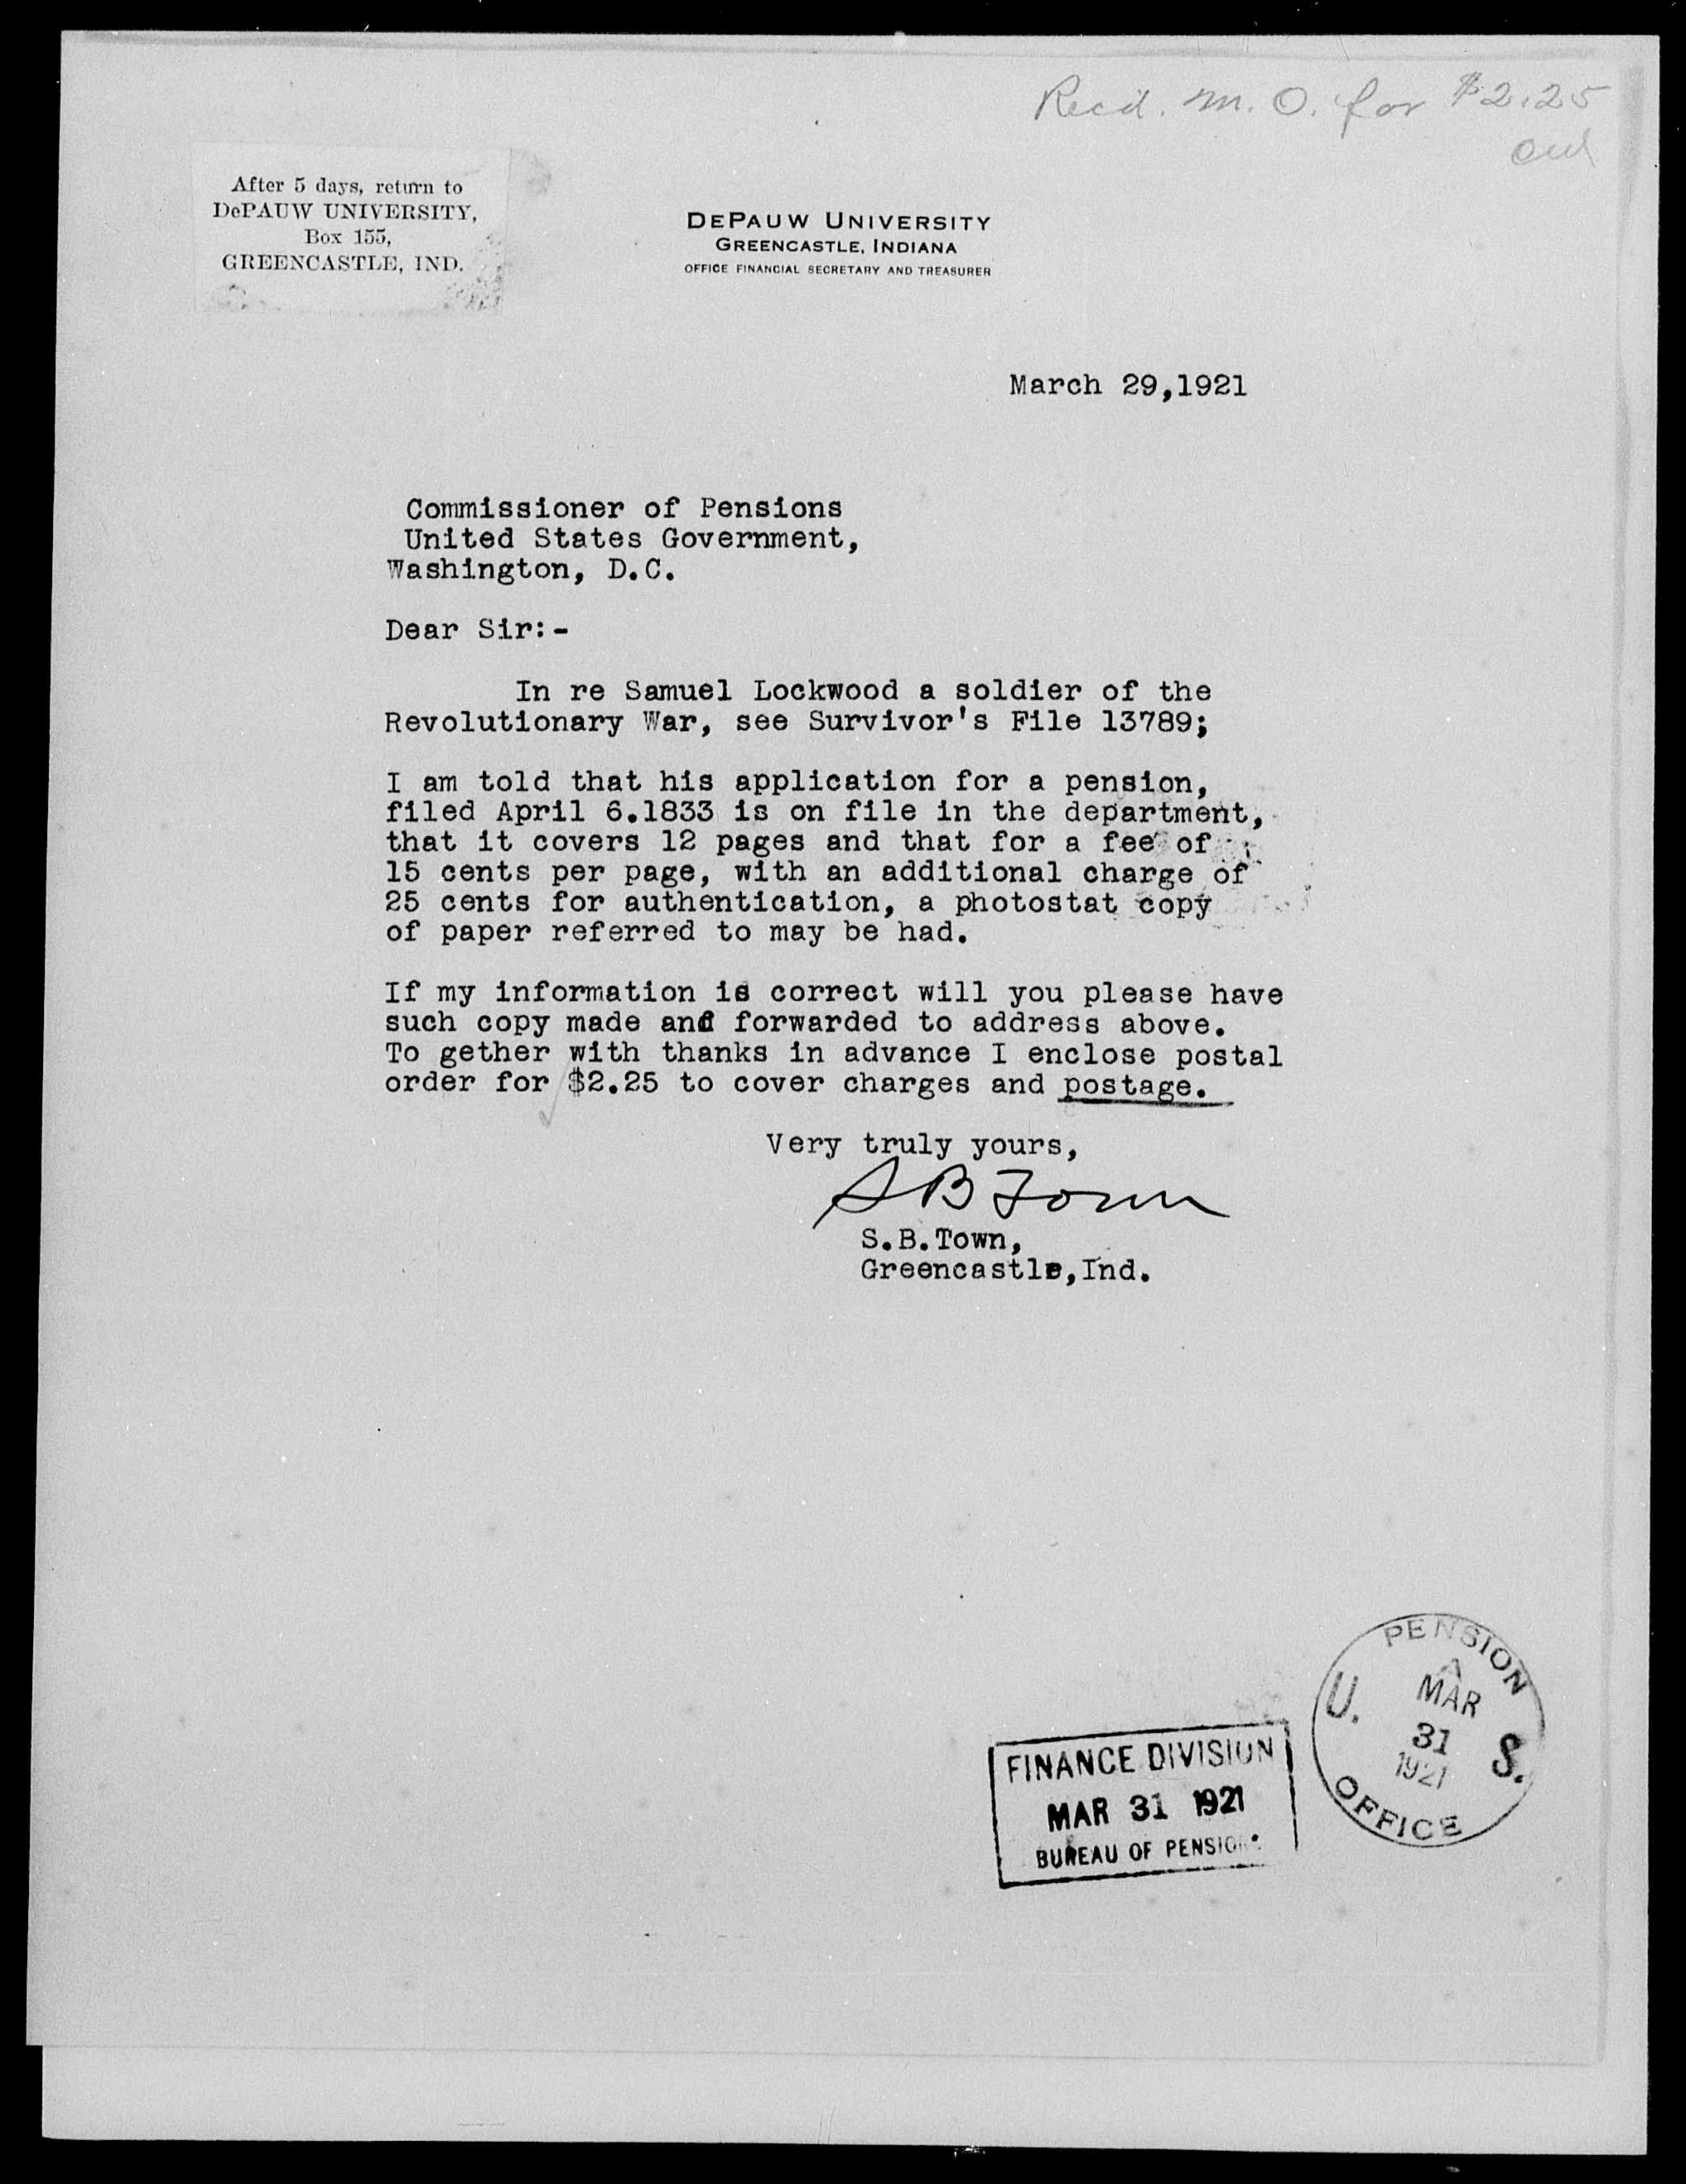(handwritten upper right) Recd. M. O. for $2.25

After 5 days, return to
DePAUW UNIVERSITY.
Box 155,
GREENCASTLE, IND.

DEPAUW UNIVERSITY
GREENCASTLE, INDIANA
OFFICE FINANCIAL SECRETARY AND TREASURER

March 29, 1921

Commissioner of Pensions
United States Government,
Washington, D.C.

Dear Sir:-
In re Samuel Lockwood a soldier of the
Revolutionary War, see Survivor's File 13789;
I am told that his application for a pension,
filed April 6, 1833 is on file in the department,
that it covers 12 pages and that for a fee of
15 cents per page, with an additional charge of
25 cents for authentication, a photostat copy
of paper referred to may be had.
If my information is correct will you please have
such copy made and forwarded to address above.
To gether with thanks in advance I enclose postal
order for $2.25 to cover charges and postage.
Very truly yours,
(signature) SB Town
S. B. Town,
Greencastle, Ind.

stamped lower right:
FINANCE DIVISION
MAR 31 1921
US PENSION OFFICE
MAR 31, 1921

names: Samuel Lockwood; S B Town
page: 19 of 25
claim: survivor's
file: S. 13789, for Samuel Lockwood, Delaware